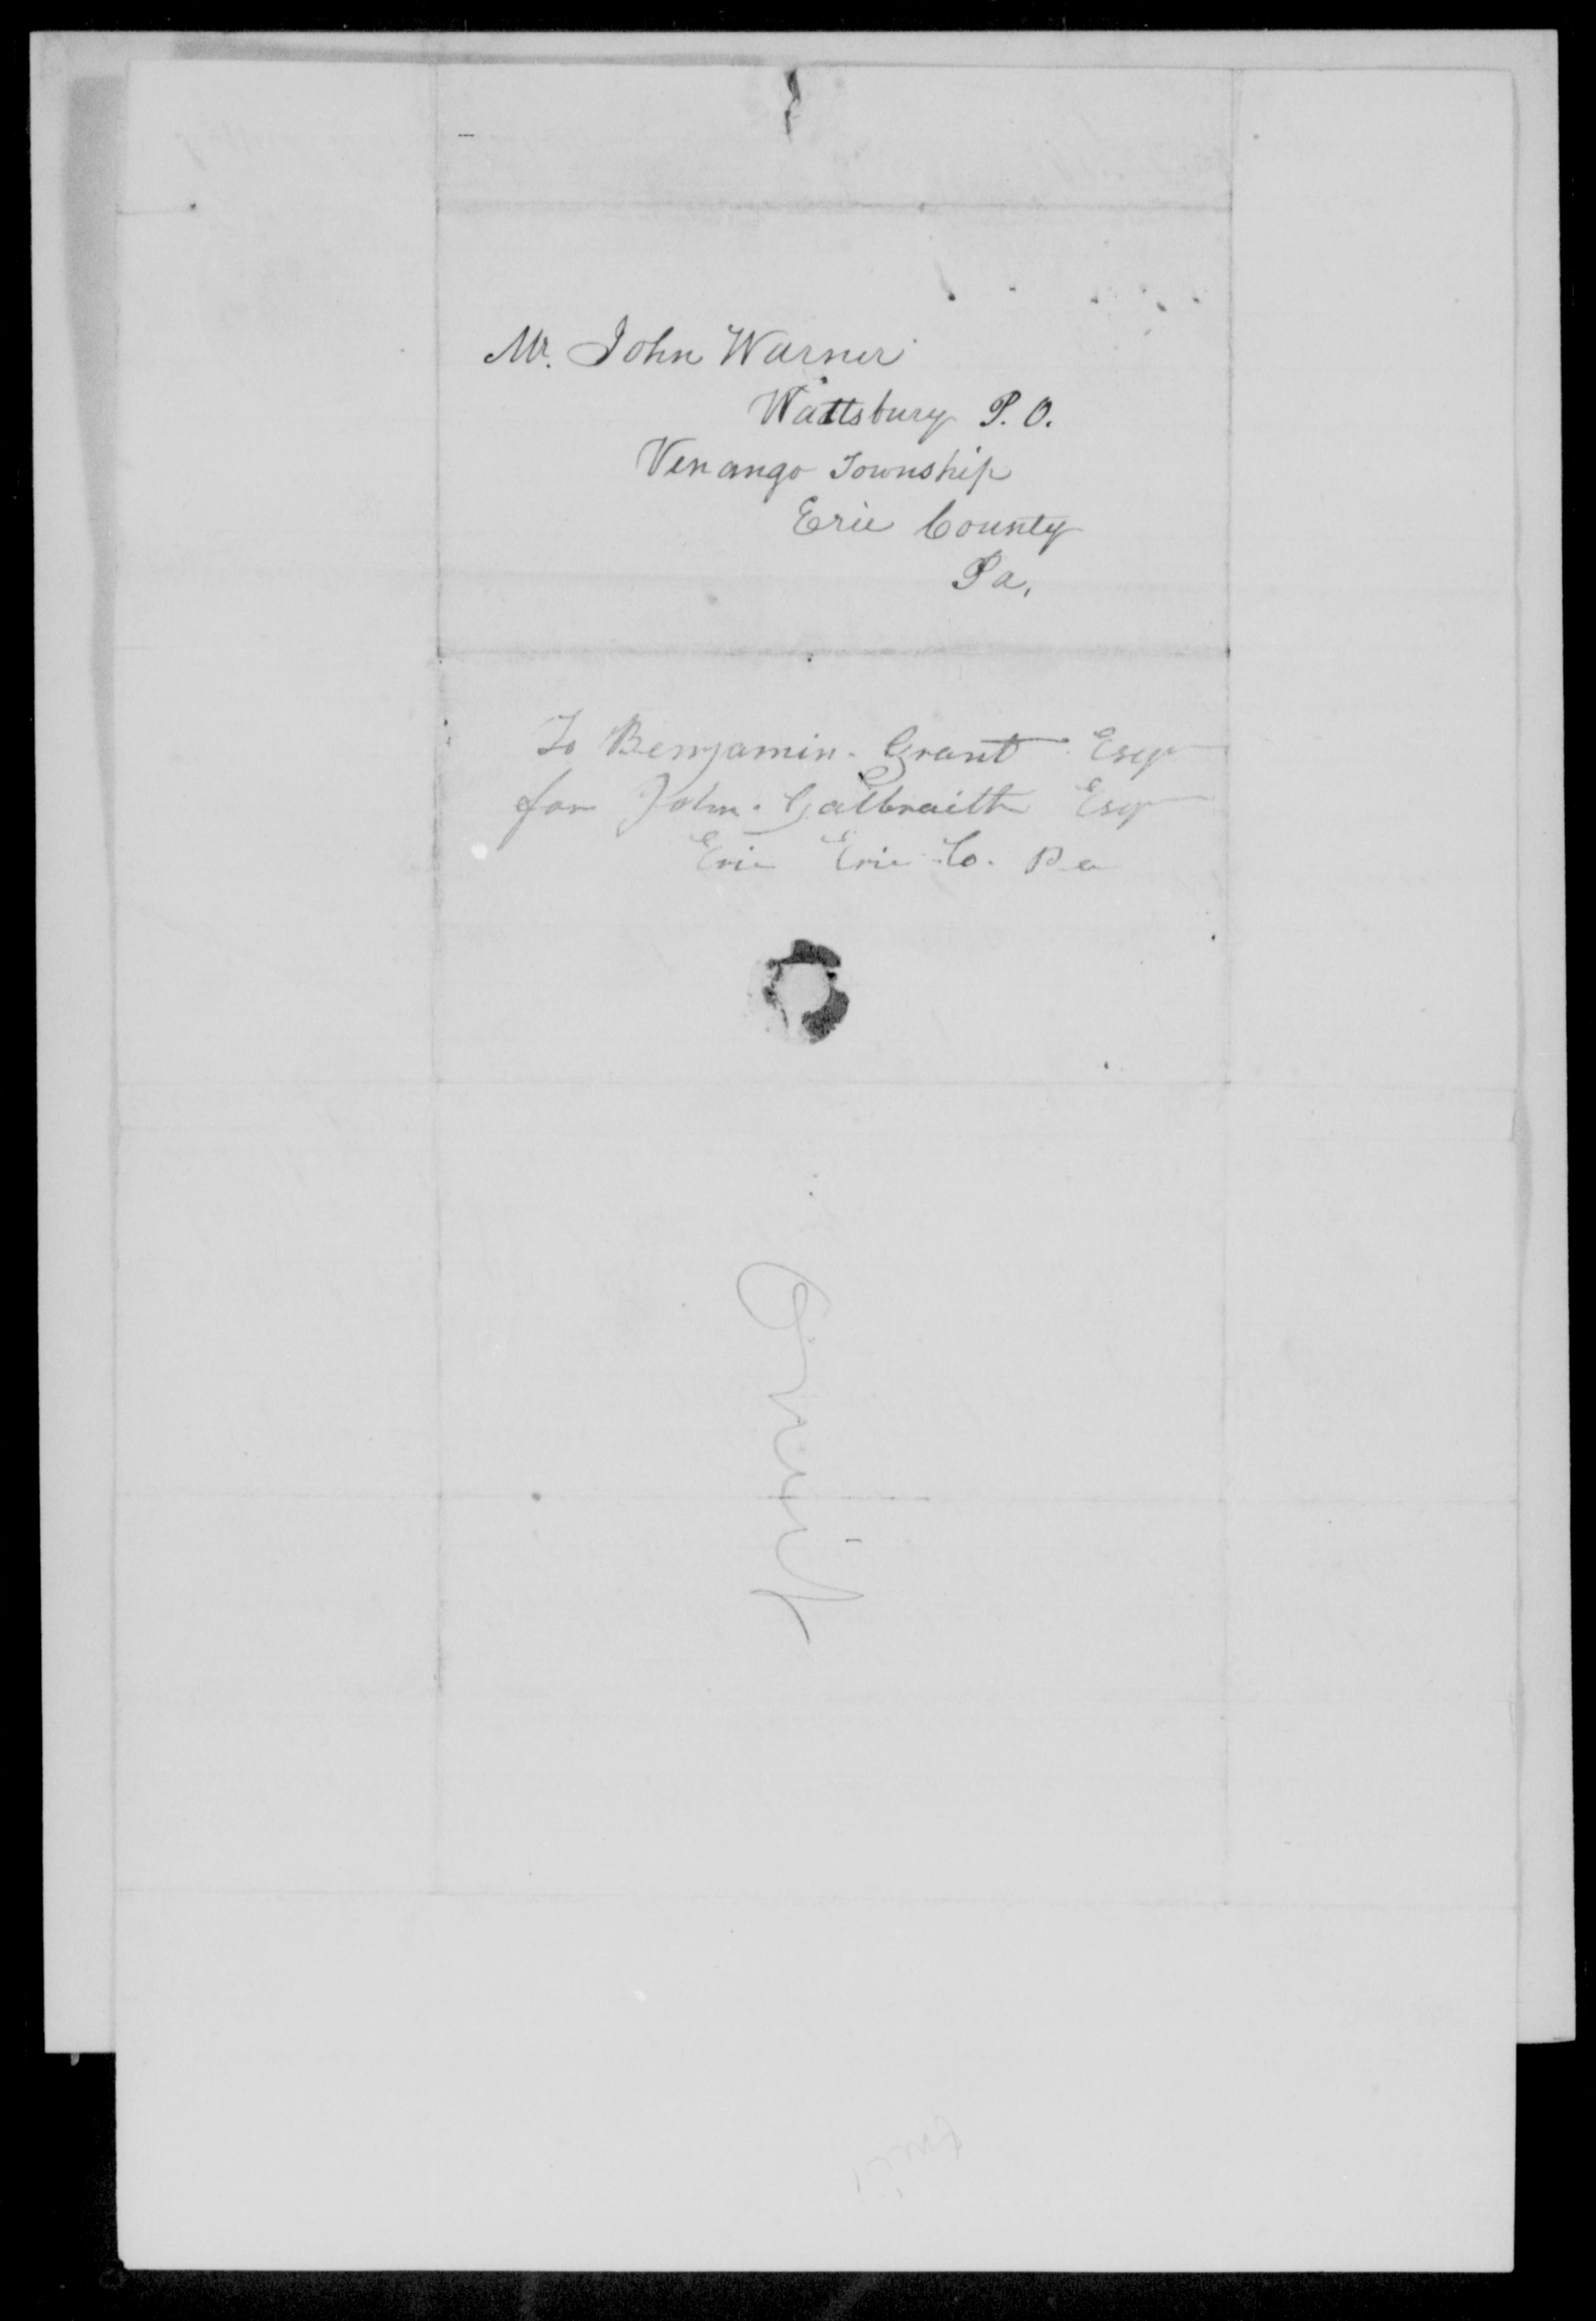Mr. John Warner
Wattsburg P.O.
Venango Township
Erie County
Pa.

To Benjamin Grant Esqr
for John Galbraith Esqr
Erie   Erie Co Pa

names: Benjamin Grant, John Galbraith, John Warner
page: 4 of 40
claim: widow's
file: W. 3742, Moses Warner, Conn.